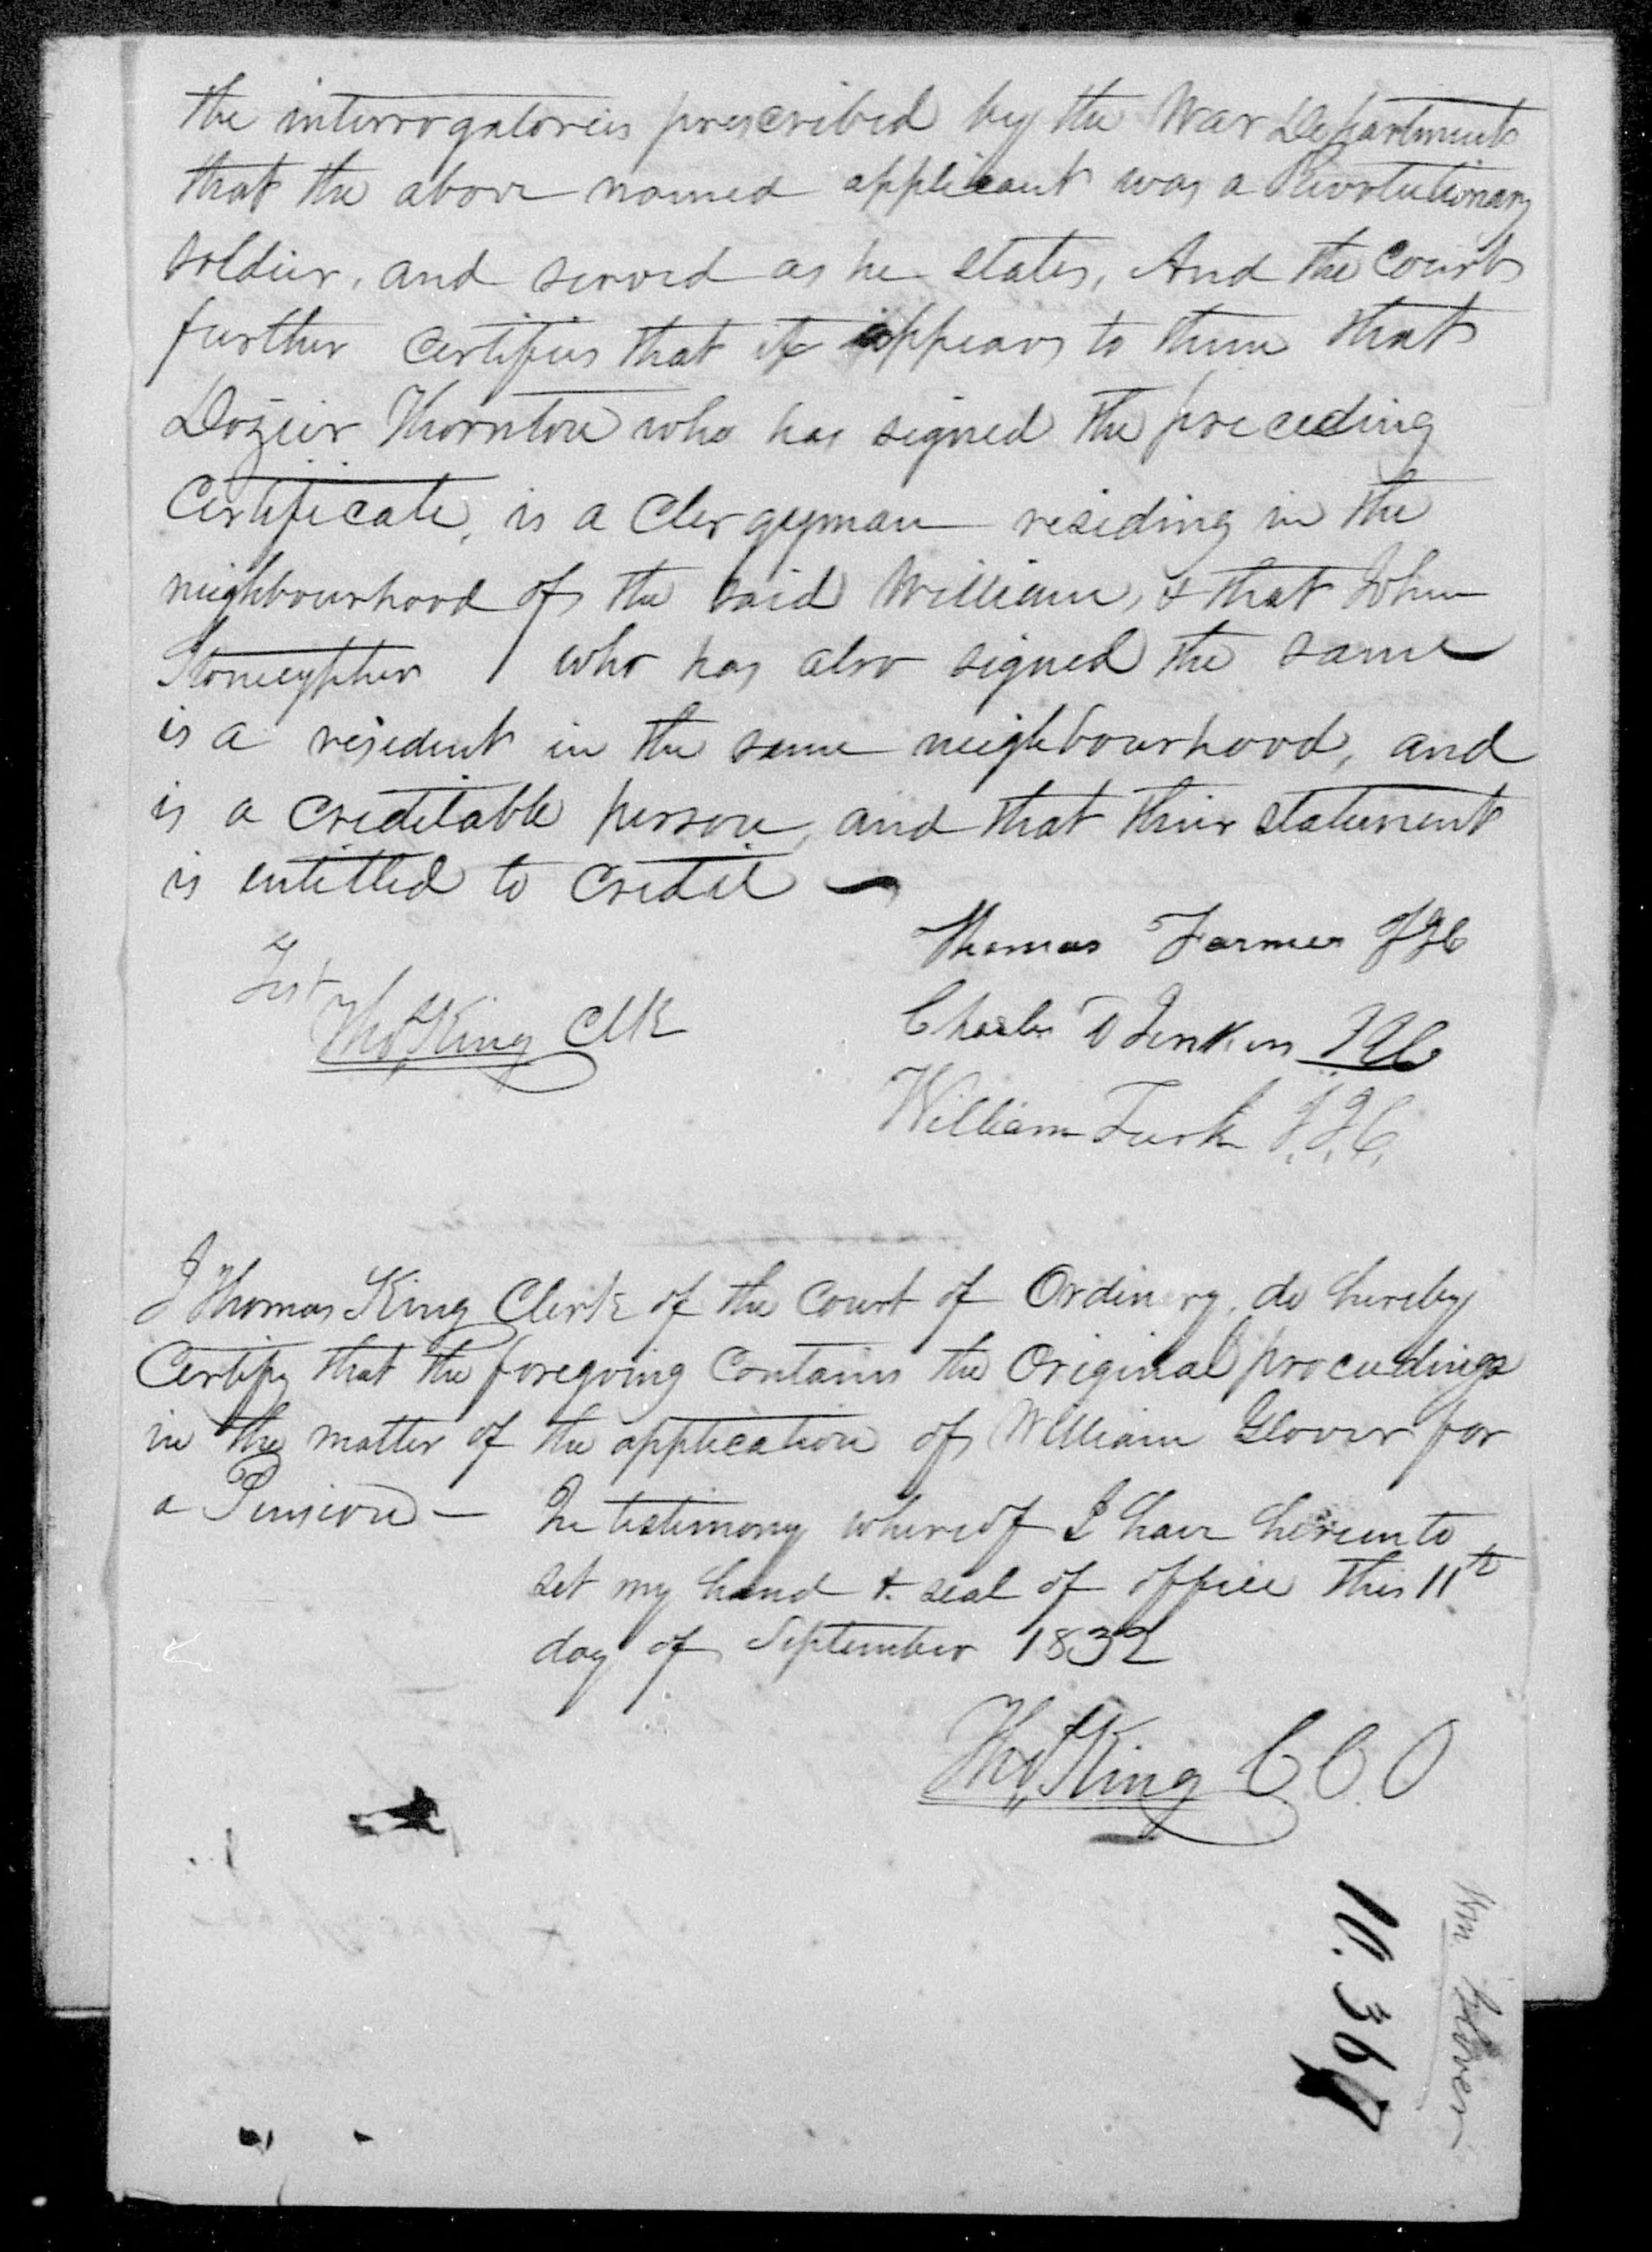the interrogatoriess prescribed by the War Department that the above named applicant was a Revolutionary soldier, and served as he states, And the court further certifies that it appears to him that Dozier Thornton who has signed the preceding certificate is a clergyman residing in the neighbourhood of the said William & that John Stonecypher who has also signed the same is a resident in the same neighbourhood, and is a creditable person, and that their statement is entitled to credit-

                       Thomas Farmer JIC
Thos King Clk         Charles D Jenkin JIC
                               William Turk JIC

J. Thomas King Clerk of the Court of Ordinary do hereby Certify that the foregoing contains the original proceedings in the matter of the application of William Glover for a Pension--  In  testimony whereof I have hereunto set my hand & seal of office this 11 day of September 1832,

Thos King CCO

[written in right margin]   Mr. Glover
                                          10.367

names: Wm Glover, William Turk, Thomas King, William, John Stonecypher, Dozier Thornton, Thos King, William Glover, Charles D Jenkin, Thomas Farmer, Thos King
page: 8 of 51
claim: widow's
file: W. 929, William Glover, N.C.